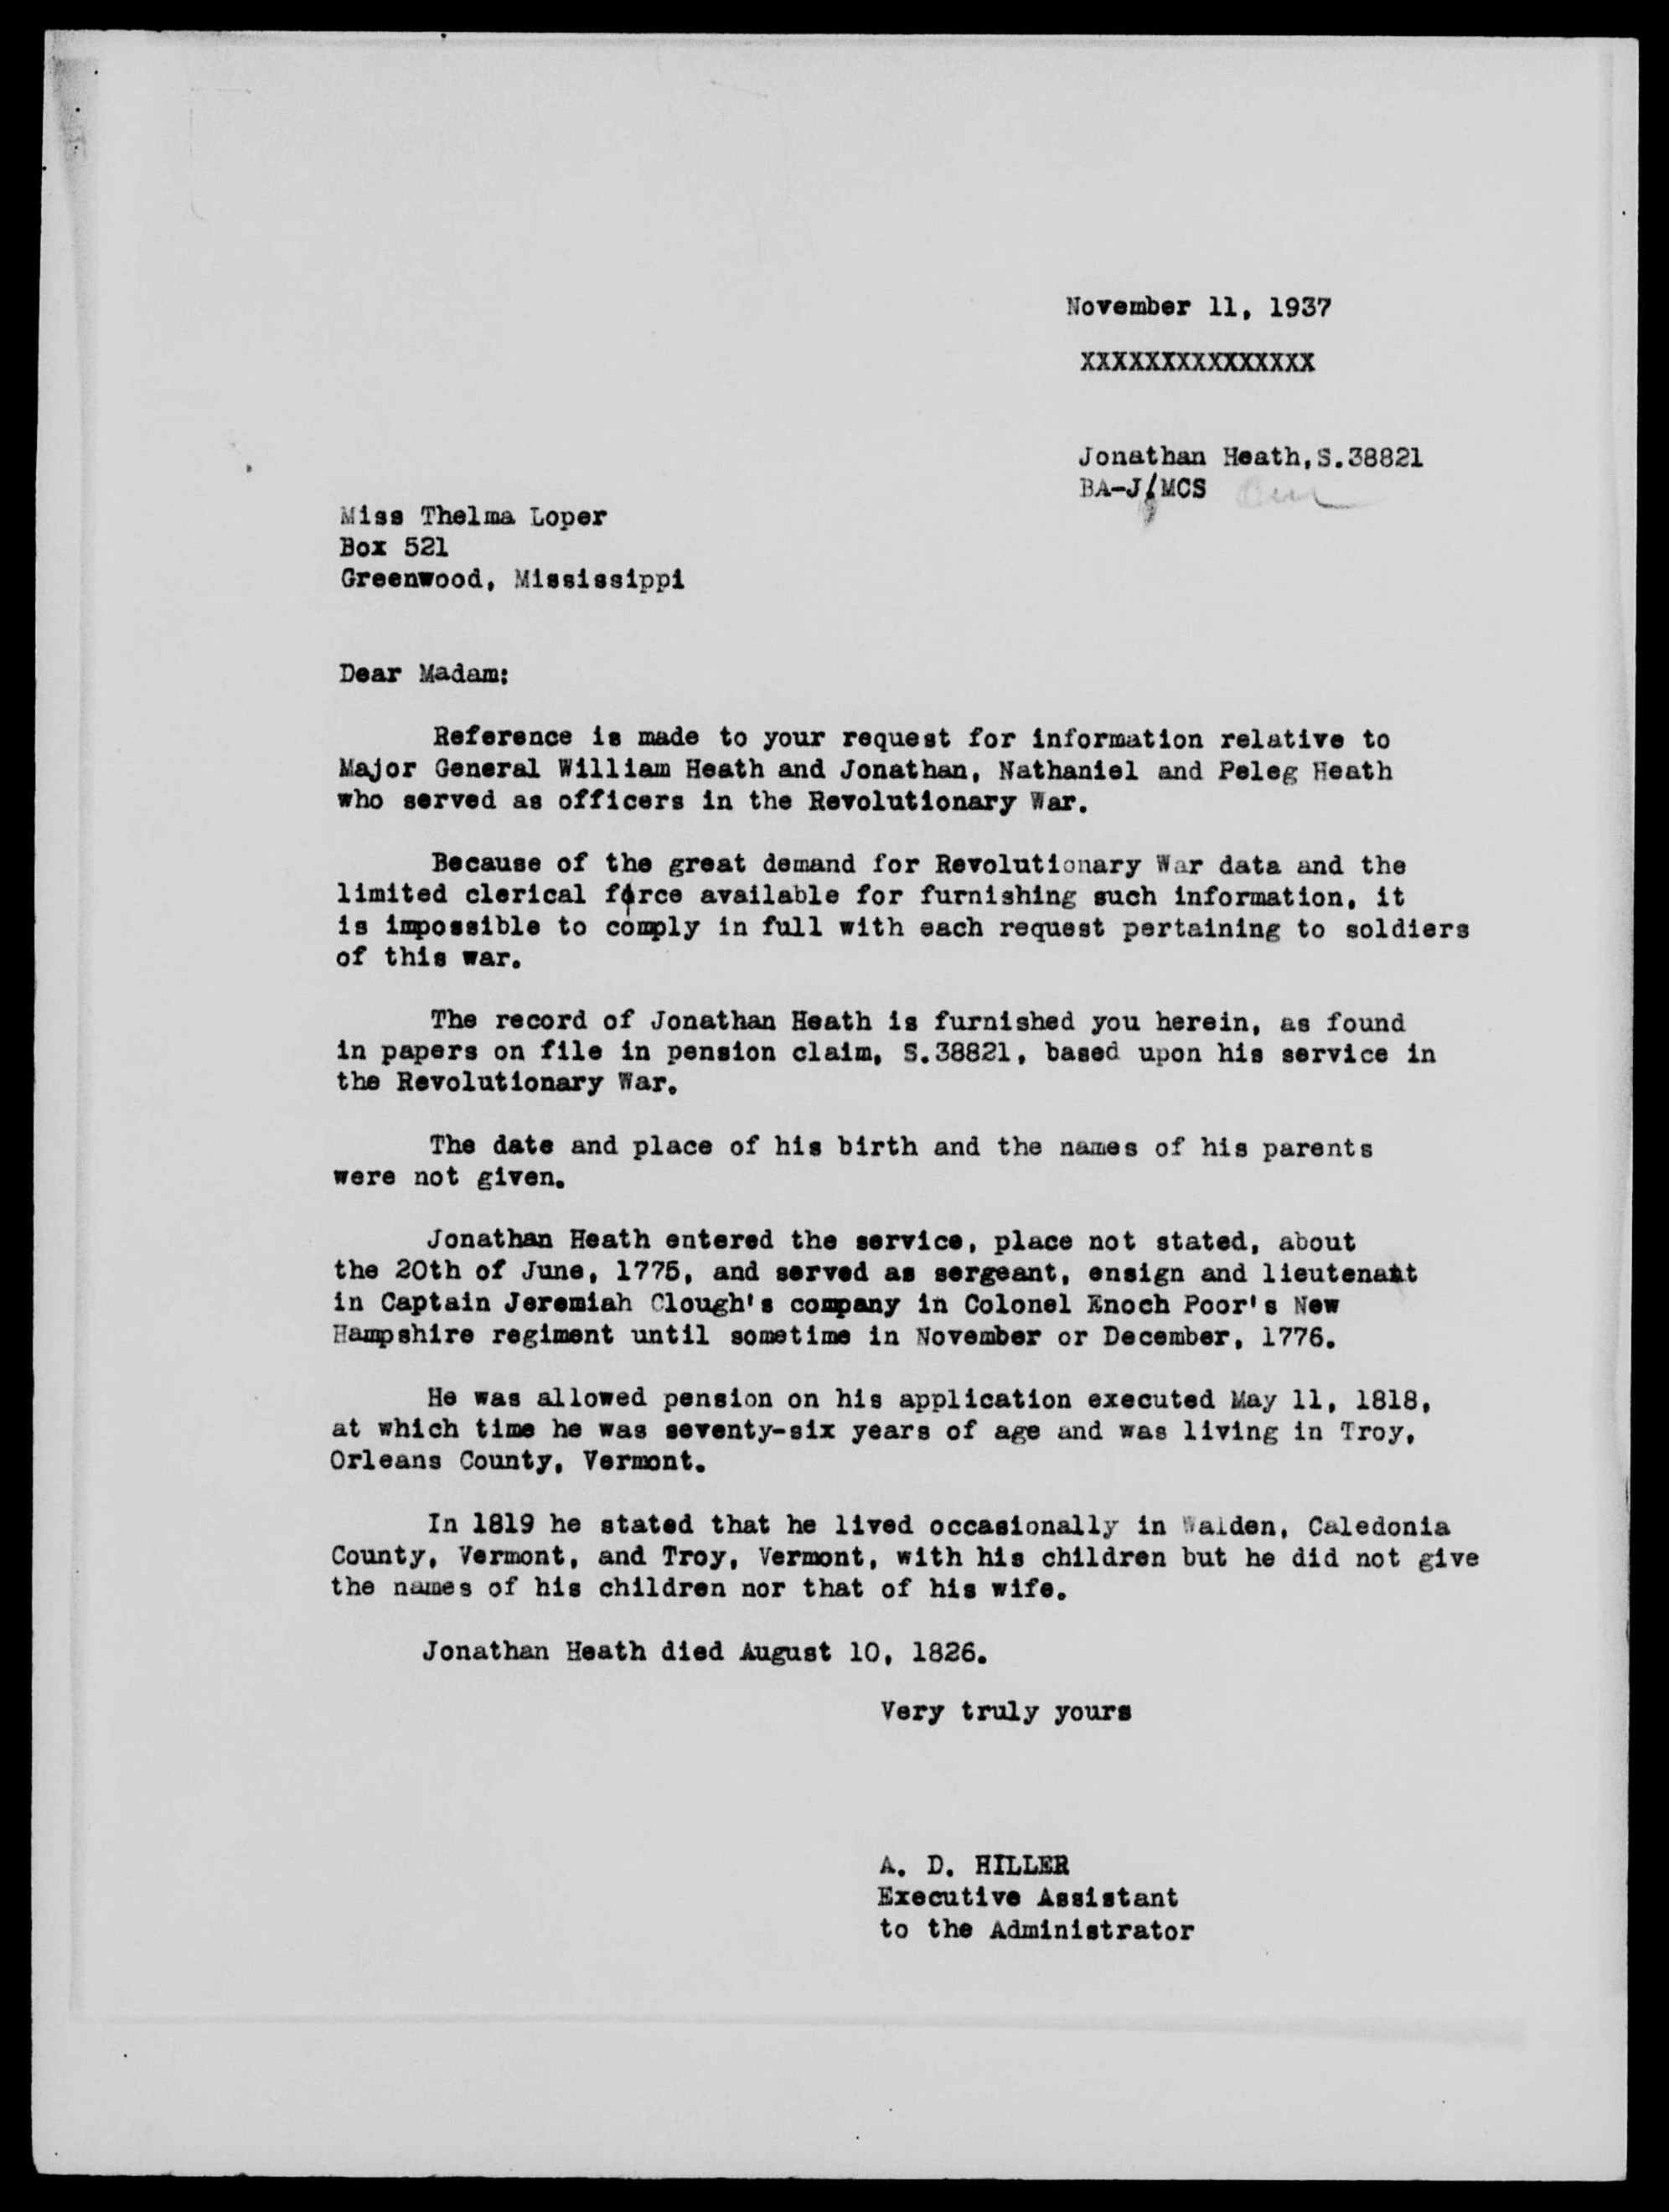November 11, 1937
XXXXXXXXXXXXXXX
Jonathan Heath, S. 38821
BA-J/CS

Miss Thelma Loper
Box 521
Greenwood, Mississippi

Dear Madam:
Reference is made to your request for information relative to Major General William Heath and Jonathan, Nathaniel and Peleg Heath
who served as officers in the Revolutionary War.

Because of the great demand for Revolutionary War data and the limited clerical force available for furnishing such information, it is impossible to comply in full with each request pertaining to soldiers of this war.

The record of Jonathan Heath is furnished you herein, as found in papers on file in pension claim, S.38821, based upon his service in the Revolutionary War.

The date and place of his birth and the names of his parents were not given.

Jonathan Heath entered the service, place not stated, about the 20th of June, 1775, and served as sergeant, ensign and lieutenant
in Captain Jeremiah Clough's company in Colonel Enoch Poor's New Hampshire regiment until sometime in November or December, 1776.

He was allowed pension on his application executed May 11, 1818, at which time he was seventy-six years of age and was living in Troy,
Orleans County, Vermont.

In 1819 he stated that he lived occasionally in Walden, Caledonia County, Vermont, and Troy, Vermont, with his children but he did not give
the names of his children nor that of his wife.

Jonathan Heath died August 10, 1826.

                                                      Very truly yours
                                                        A. D. HILLER
                                                 Executive Assistant
                                                 to the Administrator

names: William Heath, Peleg Heath, Jonathan Heath, Jonathan Heath, Jonathan Heath, Jonathan Heath, Jonathan Heath, Nathaniel Heath, Thelma Loper, A D Hiller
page: 6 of 22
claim: survivor's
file: S. 38821, Jonathan Heath, Continental N.H.